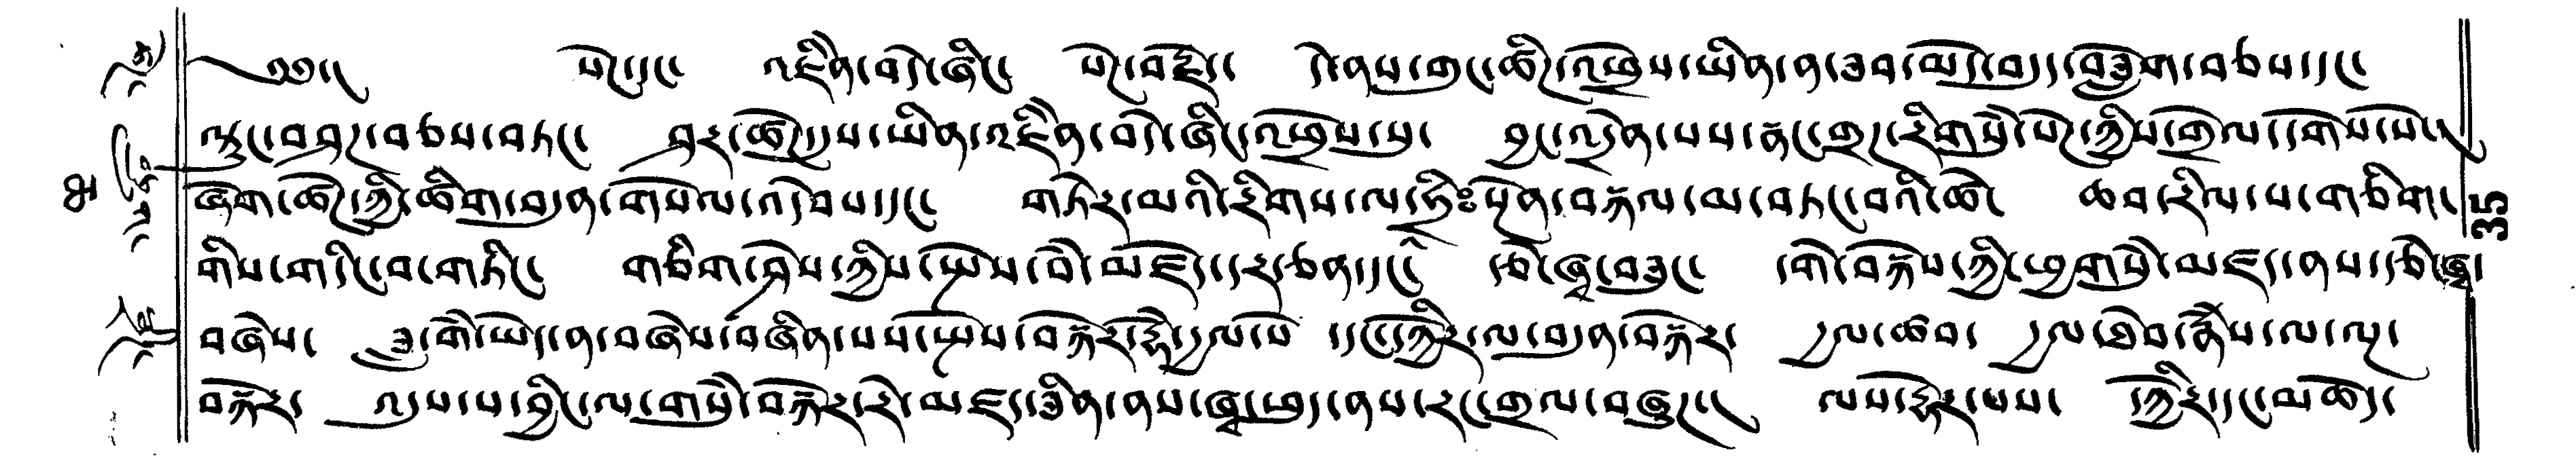སོགས་དང་། འཇིག་རྟེན་བདེ་ཞིང་སོགས་བརྗོད། དེ་ནས་གུང་ཚིགས་འཕྲོས་ཡིན་ན་ཟབ་མདོ་བདུད་བཟློག་བཅས་དང་། 
ལྟུང་བཤགས་བཏང་། ཤར་ཚོགས་དུས་ཡིན་ན། འཇིག་རྟེན་བདེ་ཞིང་འཕྲོས་སུ། བྱང་འདྲེན་པས་སྣང་གྲགས་རིག་སུམ་སོགས་ཀྱིས་གྲོལ་དགོས་སོ།
ཞོག་ཚོགས་ཀྱི་ཚིག་བདུན་གསོལ་འདེབས་དང་། གཏེར་མའི་རིགས་ལ་ཧྲཱིཿསྔོན་བསྐལ་མ་བཏང་བའི་ཚེ། ཆབ་རིལ་པ་གཅིག་
གིས་གདིང་བ་གཏིང་། གཅིག་ཤོས་ཀྱིས་སྤོས་བམ་མཛོད་དར་ཅན་དང་། རྩེ་ཞྭ་བཟུང་། དགེ་བསྐོས་ཀྱི་ཕྱག་གསུམ་མཛད་ནས་རྩེ་ཞྭ་
བཞེས། ཟླ་གམ་ཡོད་ན་བཞེས་བཞིན་པས་སྤོས་བསྐོར་རྡོ་རྗེ་རྒྱལ་པོ་དང་དཀྱིལ་འཁོར་ལ་བདུན་བསྐོར། རྒྱལ་ཚབ། རྒྱལ་ཐེབ་རྣམས་ལ་ལྔ་
བསྐོར། འདུས་པ་བྱིངས་ལ་གསུམ་བསྐོར་རེ་མཛད་ཟིན་ནས་ཞྭ་ཕུད་ནས་རང་གྲལ་བཞུགས། ལས་རྡོར་པས། དཀྱིལ་འཁོར་དང་མཆོད་